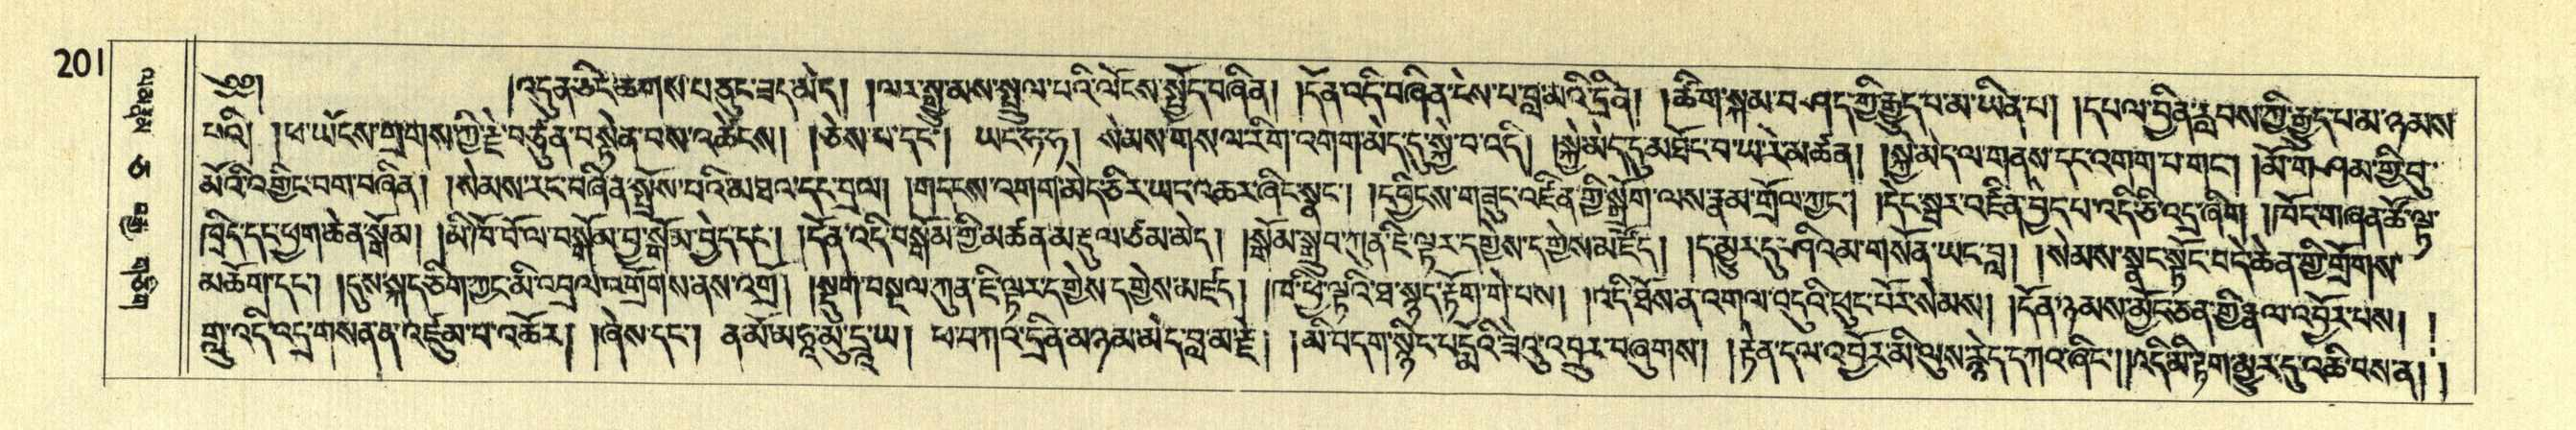༄༅། །འདུན་ཅིང་ཆགས་པ་ཅུང་ཟད་མེད། །ལར་སྒྱུ་མས་སྤྲུལ་པའི་ལོངས་སྤྱོད་བཞིན། །དོན་འདི་བཞིན་ངེས་པ་བླ་མའི་དྲིན། །ཚིག་སྐམ་བཤད་ཀྱི་རྒྱུད་པ་མ་ཡིན་པ། །དཔལ་བྱིན་རླབས་ཀྱི་རྒྱུད་པ་མ་ཉམས་
པའི། །ཕ་ཡོངས་གྲགས་ཀྱི་རྗེ་བཙུན་བསྟེན་བས་འཚེངས། །ཅེས་པ་དང་། ཡང་ཧ་ཧ། སེམས་གསལ་རིག་འགག་མེད་དུ་སྐྱེ་བ་འདི། །སྐྱེ་མེད་དུ་མཐོང་བ་ཡ་རེ་མཚན། །སྐྱེ་མེད་ལ་གནས་དང་འགག་པ་གང་། །མོ་གཤམ་གྱི་བུ་
མོའི་འགྱིང་བག་བཞིན། །སེམས་རང་བཞིན་སྤྲོས་པའི་མཐའ་དང་བྲལ། །གདངས་འགག་མེད་ཅིར་ཡང་འཆར་ཞིང་སྣང་། །དབྱིངས་གཟུང་འཛིན་གྱི་སྒྲོག་ལས་རྣམ་གྲོལ་ཀྱང་། །དེང་སྦར་འཛིན་བྱེད་པ་འདི་ཅི་འདྲ་ཞིག །ཁོང་གཞན་ཚོ་ལྟ་
ཁྲིད་དང་ཕྱག་ཆེན་སྒོམ། །མི་ཁོ་བོ་ལ་བསྒོམ་བྱ་སྒོམ་བྱེད་དང་། །དོན་འདི་བསྒོམ་གྱི་མཚན་མ་རྡུལ་ཙམ་མེད། །སྒོམ་སྒྲུབ་ཀུན་ཇི་ལྟར་དགྱེས་དགྱེས་མཛོད། །ད་མྱུར་དུ་ཤིའམ་གསོན་ཡང་བླ། །སེམས་སྣང་སྟོང་བདེ་ཆེན་གྱི་གྲོགས་
མཆོག་དང་། །དུས་སྐད་ཅིག་ཀྱང་མི་འབྲལ་འགྲོགས་ནས་འགྲོ། །སྡུག་བསྔལ་ཀུན་ཇི་ལྟར་དགྱེས་དགྱེས་མཛད། །ཁ་ཕྱི་ལྟའི་ཐ་སྙད་རྟོག་གེ་པས། །འདི་ཐོས་ན་འགལ་འདུའི་ཕུང་པོར་སེམས། །དོན་ཉམས་མྱོང་ཅན་གྱི་རྣལ་འབྱོར་པས། །
གླུ་འདི་འདྲ་གསན་ན་འཛུམ་པ་འཆོར། །ཞེས་དང་། ན་མོ་མཧཱ་མུ་དྲཱ་ཡ། ཕ་བཀའ་དྲིན་མཉམ་མེད་བླ་མ་རྗེ། །མི་བདག་སྙིང་པདམོའི་ཟེའུ་འབྲུར་བཞུགས། །རྟེན་དལ་འབྱོར་མི་ལུས་རྙེད་དཀའ་ཞིང་། །འདི་མི་རྟག་མྱུར་དུ་འཆི་བས་ན། །